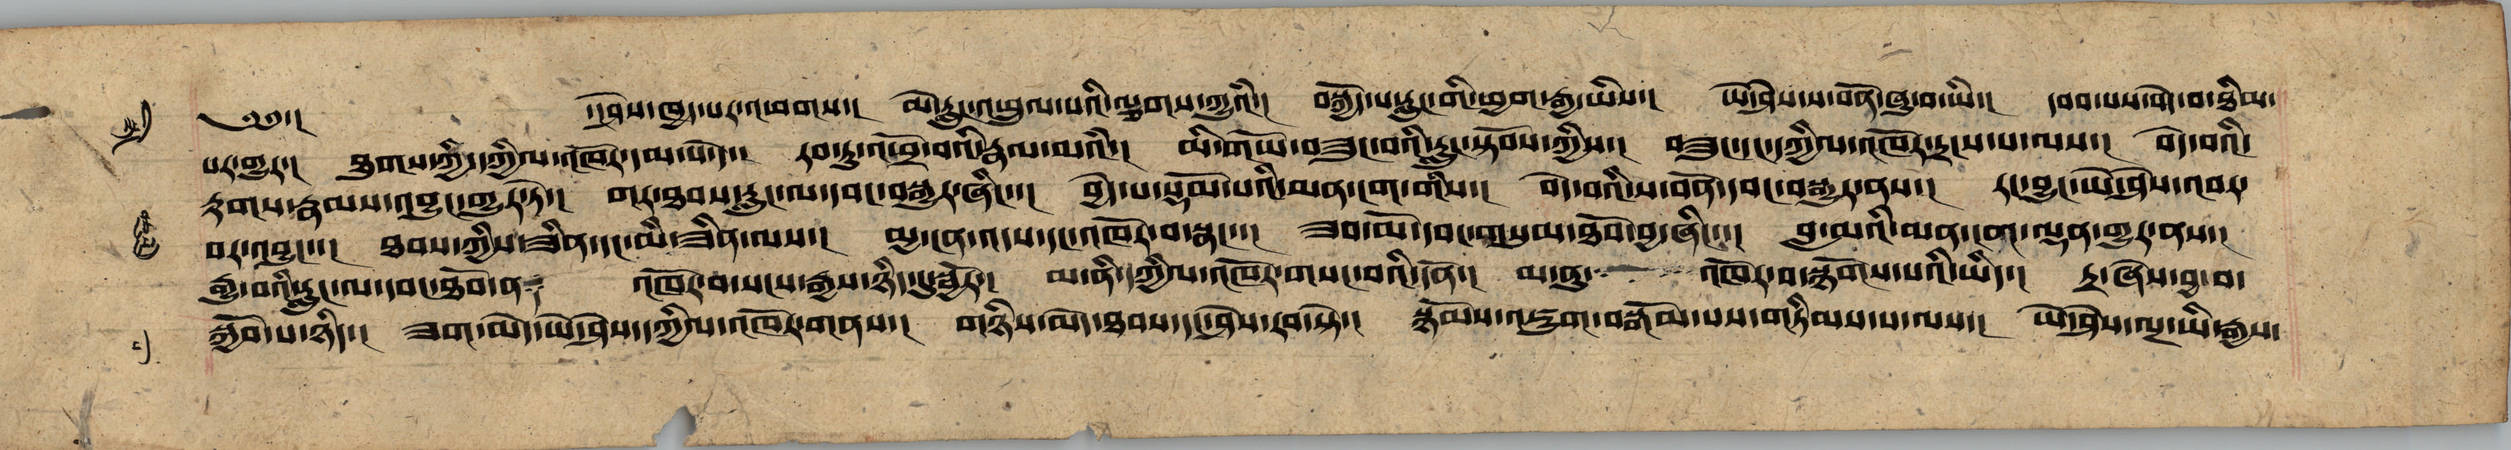༄༅་། ་།ཤེས་ཁྱད་པར་འཕགས་། མེ་རླུང་འཕྲུལ་པའི་ལྕགས་ཀྱུའཾ་། བསྐྱོད་པ་རླུང་གི་ཕྱག་རྒྱ་ཡིས་། ཡེ་ཤེས་ས་བོན་ཞུ་བ་ཡི་། དབབ་པས་བདེ་བ་ཐིམ་
པར་གྱུར་། ཐུགས་ཀྱི་དཀྱིལ་འཁོར་དམ་པ་དེ་། རབ་ཏུ་འཕྲོ་བའི་རྣལ་མའཾ་། མི་གཡོ་བཟུང་བའི་རླུང་སྟོབས་ཀྱིས་། བཟུང་དང་དཀྱིལ་འཁོར་དྲངས་པ་ལས་། བདེ་བའི་
རྟགས་རྣམས་འབྱུང་གྱུར་ཏེ་། གར་ཐབས་རླུང་ལ་དབང་བསྒྱུར་ཞིང་་། བྱེད་པ་སྡོམ་པའི་མན་ངག་གིས་། བདེ་བའི་ས་བོན་དབང་བསྒྱུར་ནས་། རང་བྱུང་ཡེ་ཤེས་འབར་
བར་འབྱུང་་། ཐབས་ཀྱིས་ཟིན་དང་མི་ཟིན་ལས་། མྱ་ངན་འདས་དང་འཁོར་བ་སྣང་་། ཟབ་མོ་དབང་གསུམ་ཐོབ་བྱ་ཞིང་་། བླ་མའི་མན་ངག་ལྡན་གྱུར་ནས་།
རྒྱུ་བའི་རླུང་ལ་དབང་ཐོབ་ན༑ འཁོར་བ་སངས་རྒྱས་ཉིད་དུ་སྦྱོར་། མ་ནི་དཀྱིལ་འཁོར་གསང་བའི་དོན་། མ་ནུ་་ འཁོར་བ་སྙོགས་པའི་ཡིད་། ཏྲ་ཞེས་བྱ་བ་
སྐྱོབ་པ་ཉིད་། ཟག་མེད་ཡེ་ཤེས་དཀྱིལ་འཁོར་གནས་། གཉིས་མེད་ཐབས་དང་ཤེས་རབ་སྟེ་། སྙོམས་འཇུག་བསྒོམ་པས་གཏིམས་པ་ལས་། ཡེ་ཤེས་ལྔ་ཡི་རྒྱས